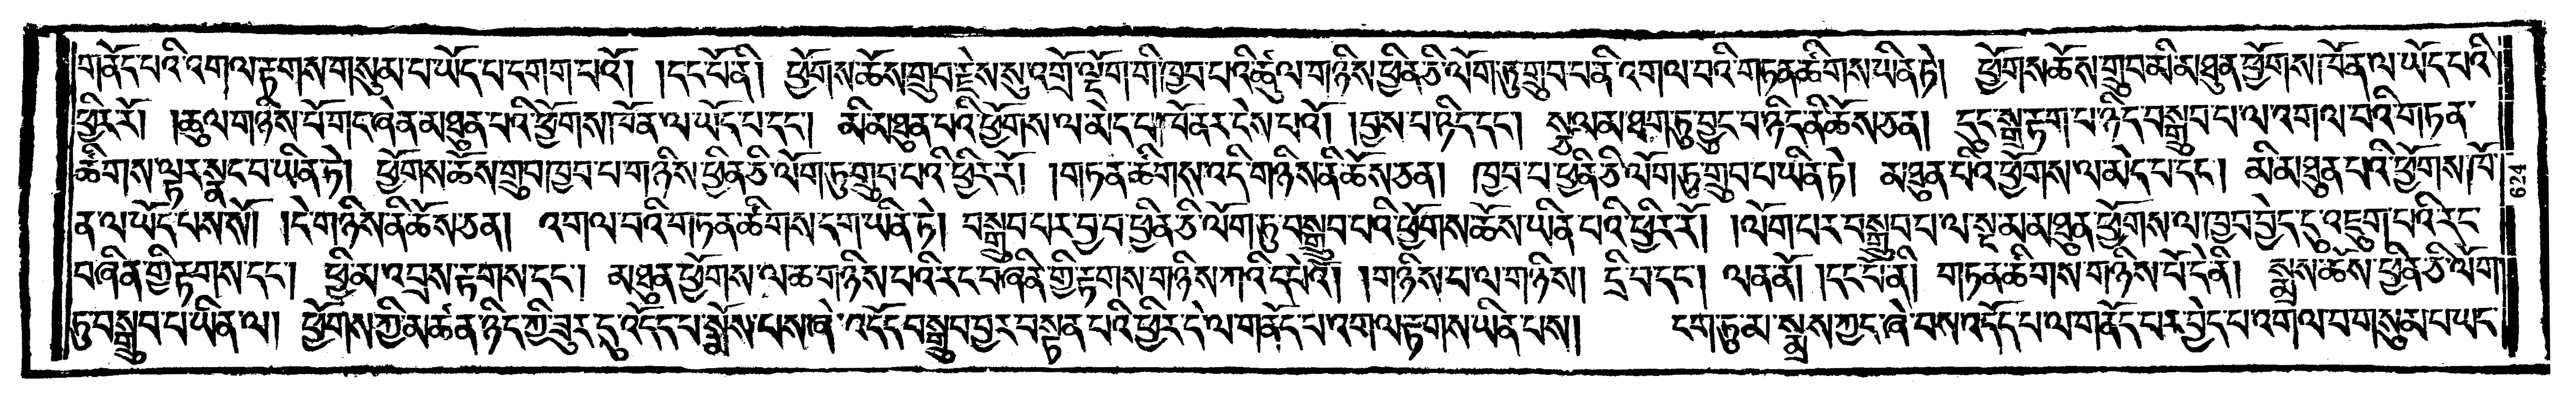གནོད་པའི་འགལ་རྟགས་གསུམ་པ་ཡོད་པ་དགག་པའོ། །དང་པོ་ནི། ཕྱོགས་ཆོས་གྲུབ་རྗེས་སུ་འགྲོ་ལྡོག་གི་ཁྱབ་པའི་ཚུལ་གཉིས་ཕྱིན་ཅི་ལོག་ཏུ་གྲུབ་པ་ནི་འགལ་བའི་གཏན་ཚིགས་ཡིན་ཏེ། ཕྱོགས་ཆོས་གྲུབ་མི་མཐུན་ཕྱོགས་ཁོ་ན་ལ་ཡོད་པའི་
ཕྱིར་རོ། །ཆུལ་གཉིས་པོ་གང་ཞེ་ན་མཐུན་པའི་ཕྱོགས་ཁོ་ན་ལ་ཡོད་པ་དང་། མི་མཐུན་པའི་ཕྱོགས་ལ་མེད་པ་ཁོ་ནར་ངེས་པའོ། །བྱས་པ་ཉིད་དང་། སྩལ་མ་ཐག་ཏུ་བྱུང་བ་ཉིད་ནི་ཆོས་ཅན། དུང་སྒྲ་རྟག་པ་ཉིད་བསྒྲུབ་པ་ལ་འགལ་བའི་གཏན་
ཚིགས་ལྟར་སྣང་བ་ཡིན་ཏེ། ཕྱོགས་ཆོས་གྲུབ་ཁྱབ་པ་གཉིས་ཕྱིན་ཅི་ལོག་ཏུ་གྲུབ་པའི་ཕྱིར་རོ། །གཏན་ཚིགས་འདི་གཉིས་ནི་ཆོས་ཅན། ཁྱབ་པ་ཕྱིན་ཅི་ལོག་ཏུ་གྲུབ་པ་ཡིན་ཏེ། མཐུན་པའི་ཕྱོགས་ལ་མེད་པ་དང་། མི་མཐུན་པའི་ཕྱོགས་ཁོ་
ན་ལ་ཡོད་པས་སོ། །དེ་གཉིས་ནི་ཆོས་ཅན། འགལ་བའི་གཏན་ཚིགས་དག་ཡིན་ཏེ། བསྒྲུབ་པར་བྱ་བ་ཕྱིན་ཅི་ལོག་ཏུ་བསྒྲུབ་པའི་ཕྱོགས་ཆོས་ཡིན་པའི་ཕྱིར་རོ། །ལོག་པར་བསྒྲུབ་པ་ལ་སྔ་མ་མཐུན་ཕྱོགས་ལ་ཁྱབ་བྱེད་དུ་འཇུག་པའི་རང་
བཞིན་གྱི་རྟགས་དང་། ཕྱི་མ་འབྲས་རྟགས་དང་། མཐུན་ཕྱོགས་ལ་ཆ་གཉིས་པའི་རང་བཞིན་གྱི་རྟགས་གཉིས་ཀའི་དཔེའོ། །གཉིས་པ་ལ་གཉིས། དྲི་བ་དང་། ལན་ནོ། །དང་པོ་ནི། གཏན་ཚིགས་གཉིས་པོ་དེ་ནི། སྨྲས་ཆོས་ཕྱིན་ཅི་ལོག་
ཏུ་བསྒྲུབ་པ་ཡིན་ལ། ཕྱོགས་ཀྱི་མཚན་ཉིད་ཀྱི་ཟུར་དུ་འདོད་པ་སྨོས་པས་ཞེ་འདོད་བསྒྲུབ་བྱར་བསྟན་པའི་ཕྱིར་དེ་ལ་གནོད་པ་འགལ་རྟགས་ཡིན་པས། དག་ཏུ་མ་སྨྲས་ཀྱང་ཞེ་བས་འདོད་པ་ལ་གནོད་པར་བྱེད་པ་འགལ་བ་གསུམ་པ་ཡང་